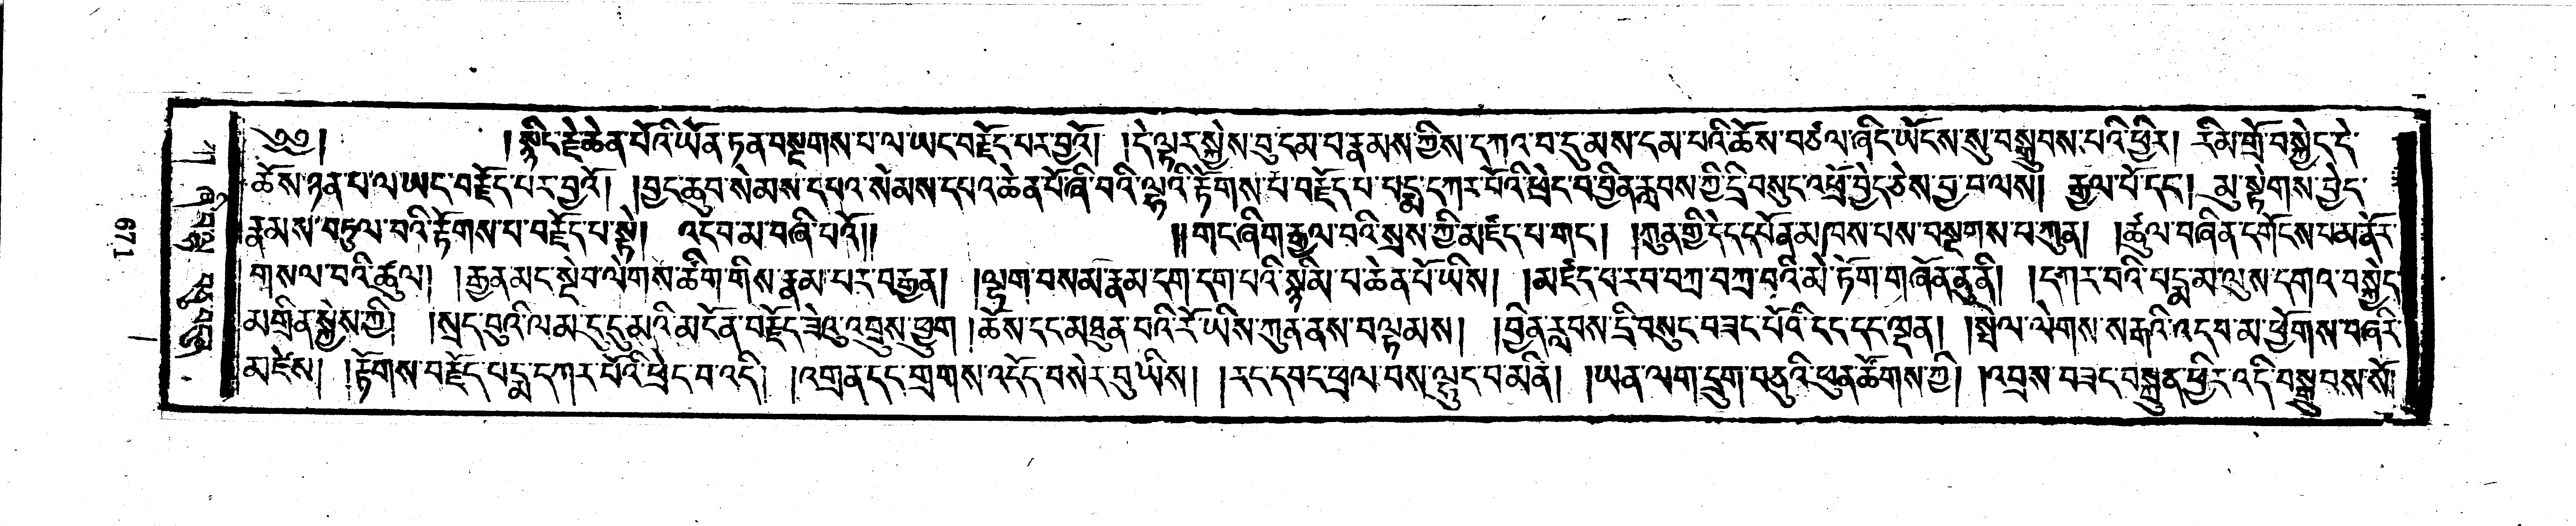༄༅། །སྙིང་རྗེ་ཆེན་པོའི་ཡོན་ཏན་བསྔགས་པ་ལ་ཡང་བརྗོད་པར་བྱའོ། །དེ་ལྟར་སྐྱེས་བུ་དམ་པ་རྣམས་ཀྱིས་དཀའ་བ་དུ་མས་དམ་པའི་ཆོས་བཙལ་ཞིང་ཡོངས་སུ་བསྒྲུབས་པའི་ཕྱིར། རིམ་གྲོ་བསྐྱེད་དེ་
ཆོས་ཉན་པ་ལ་ཡང་བརྗོད་པར་བྱའོ། །བྱང་ཆུབ་སེམས་དཔའ་སེམས་དཔའ་ཆེན་པོ་ཞི་བའི་ལྷའི་རྟོགས་པ་བརྗོད་པ་པདམ་དཀར་པོའི་ཕྲེང་བ་བྱིན་རླབས་ཀྱི་དྲི་བསུང་འཕྲོ་བྱེད་ཅེས་བྱ་བ་ལས། རྒྱལ་པོ་དང་། མུ་སྟེགས་བྱེད་
རྣམས་བཏུལ་བའི་རྟོགས་པ་བརྗོད་པ་སྟེ། འདབ་མ་བཞི་པའོ།། །།གང་ཞིག་རྒྱལ་བའི་སྲས་ཀྱི་མཛད་པ་གང་། །ཀུན་གྱི་དེད་དཔོན་མཁས་པས་བསྔགས་པ་ཀུན། །ཚུལ་བཞིན་དགོངས་པ་མ་ནོར་
གསལ་བའི་ཚུལ། །རྒྱན་མང་སྡེབ་ལེགས་ཚིག་གིས་རྣམ་པར་བརྒྱན། །ལྷག་བསམ་རྣམ་དག་དག་པའི་སྙིམ་པ་ཆེན་པོ་ཡིས། །མཛད་པ་རབ་བཀྲ་བཀྲ་བའི་མེ་ཏོག་གཞོན་ནུ་ནི། །དཀར་བའི་པདམ་མ་ལུས་དགའ་བསྐྱེད་
མགྲིན་སྐྱེས་ཀྱི། །སྲད་བུའི་ལམ་དུ་དུ་མའི་མངོན་བརྗོད་ཟེའུ་འབྲུས་ཕྱུག །ཆོས་དང་མཐུན་པའི་རོ་ཡིས་ཀུན་ནས་བལྟམས། །བྱིན་རླབས་དྲི་བསུང་བཟང་པོའི་ངང་དང་ལྡན། །སྤེལ་ལེགས་སརྒའི་འདབ་མ་ཕྱོགས་བཞིར་
མཛེས། །རྟོགས་བརྗོད་པདམ་དཀར་པོའི་ཕྲེང་བ་འདི། །འགྲན་དང་གྲགས་འདོད་བསེར་བུ་ཡིས། །རང་དབང་ཕྲལ་བས་ལྷུང་བ་མིན། །ཡན་ལག་དྲུག་བཅུའི་ཕུན་ཚོགས་ཀྱི། །འབྲས་བཟང་བསྐྲུན་ཕྱིར་འདི་བསྒྲུབས་སོ། །